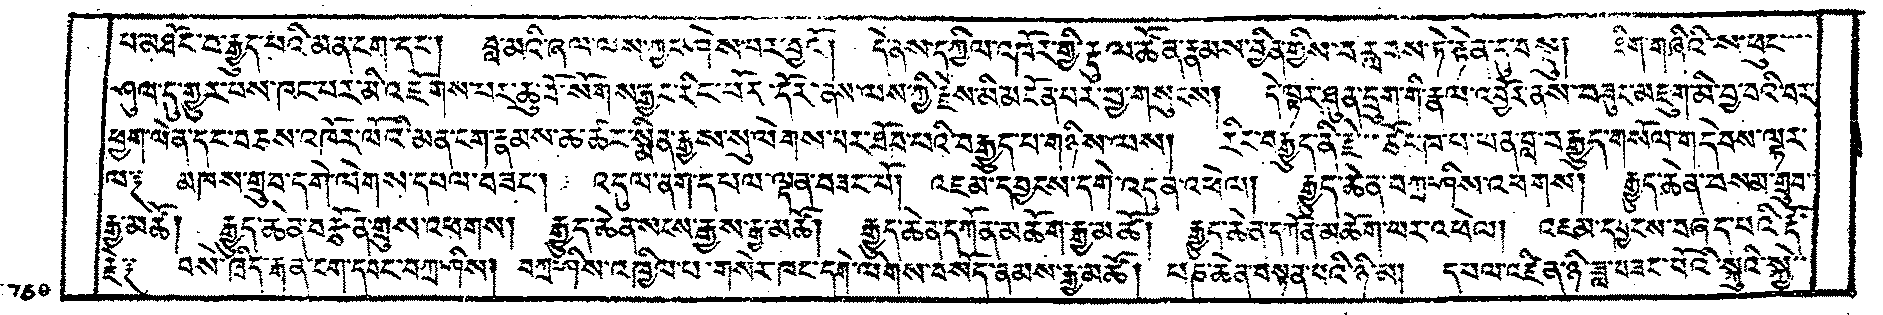པ་མཐོང་བརྒྱུད་པའི་མན་ངག་དང་། བླ་མའི་ཞལ་ལས་ཀྱང་ཤེས་པར་བྱའོ། དེ་ནས་དཀྱིལ་འཁོར་གྱི་རྡུལ་ཚོན་རྣམས་བྱིན་གྱིས་བརླབས་ཏེ་རྟེན་དུ་བསྡུ། ཐིག་གཞིའི་ས་ཕུང་
ཤུལ་དུ་གྱུར་པས་ཁང་པར་མི་འཇོགས་པར་ཆུ་བོ་སོགས་རྒྱང་རིང་པོར་དོར་ནས་ལས་ཀྱི་རྗེས་མི་མངོན་པར་བྱ་གསུངས། དེ་ལྟར་ཐུན་དྲུག་གི་རྣལ་འབྱོར་ནས་བཟུང་འཇུག་མི་བྱ་བའི་བར་
ཕྱག་ལེན་དང་བཅས་འཁོར་ལོའི་མན་ངག་རྣམས་ཆ་ཚང་སྨིན་རྒྱས་སུ་ལེགས་པར་ཐོབ་པའི་བརྒྱུད་པ་གཉིས་ལས། རིང་བརྒྱུད་ནི་རྗེ་ཙོང་ཁ་པ་ཡན་བླ་བརྒྱུད་གསོལ་འདེབས་ལྟར་
ལ༑ མཁས་གྲུབ་དགེ་ལེགས་དཔལ་བཟང་། འདུལ་ནག་དཔལ་ལྡན་བཟང་པོ། འཇམ་དབྱངས་དགེ་འདུན་འཕེལ། རྒྱུད་ཆེན་བཀྲ་ཤིས་འཕགས། རྒྱུད་ཆེན་བསམ་གྲུབ་
རྒྱ་མཚོ། རྒྱུད་ཆེན་བརྩོན་གྲུས་འཕགས། རྒྱུད་ཆེན་སངས་རྒྱས་རྒྱ་མཚོ། རྒྱུད་ཆེན་དཀོན་མཆོག་རྒྱ་མཚོ། རྒྱུད་ཆེན་དཀོན་མཆོག་ཡར་འཕེལ། འཇམ་དབྱངས་བཞད་པའི་རྡོ་
རྗེ༑ བསེ་ཁྲིད་རྒན་ངག་དབང་བཀྲ་ཤིས། བཀྲ་ཤིས་འཁྱིལ་པ་གསེར་ཁང་དགེ་ལེགས་བསོད་ནམས་རྒྱ་མཚོ། པཎ་ཆེན་བསྟན་པའི་ཉི་མ། དཔལ་འཛིན་ཉི་ཟླ་བཟང་པོའི་སྐུའི་སྐྱེ་